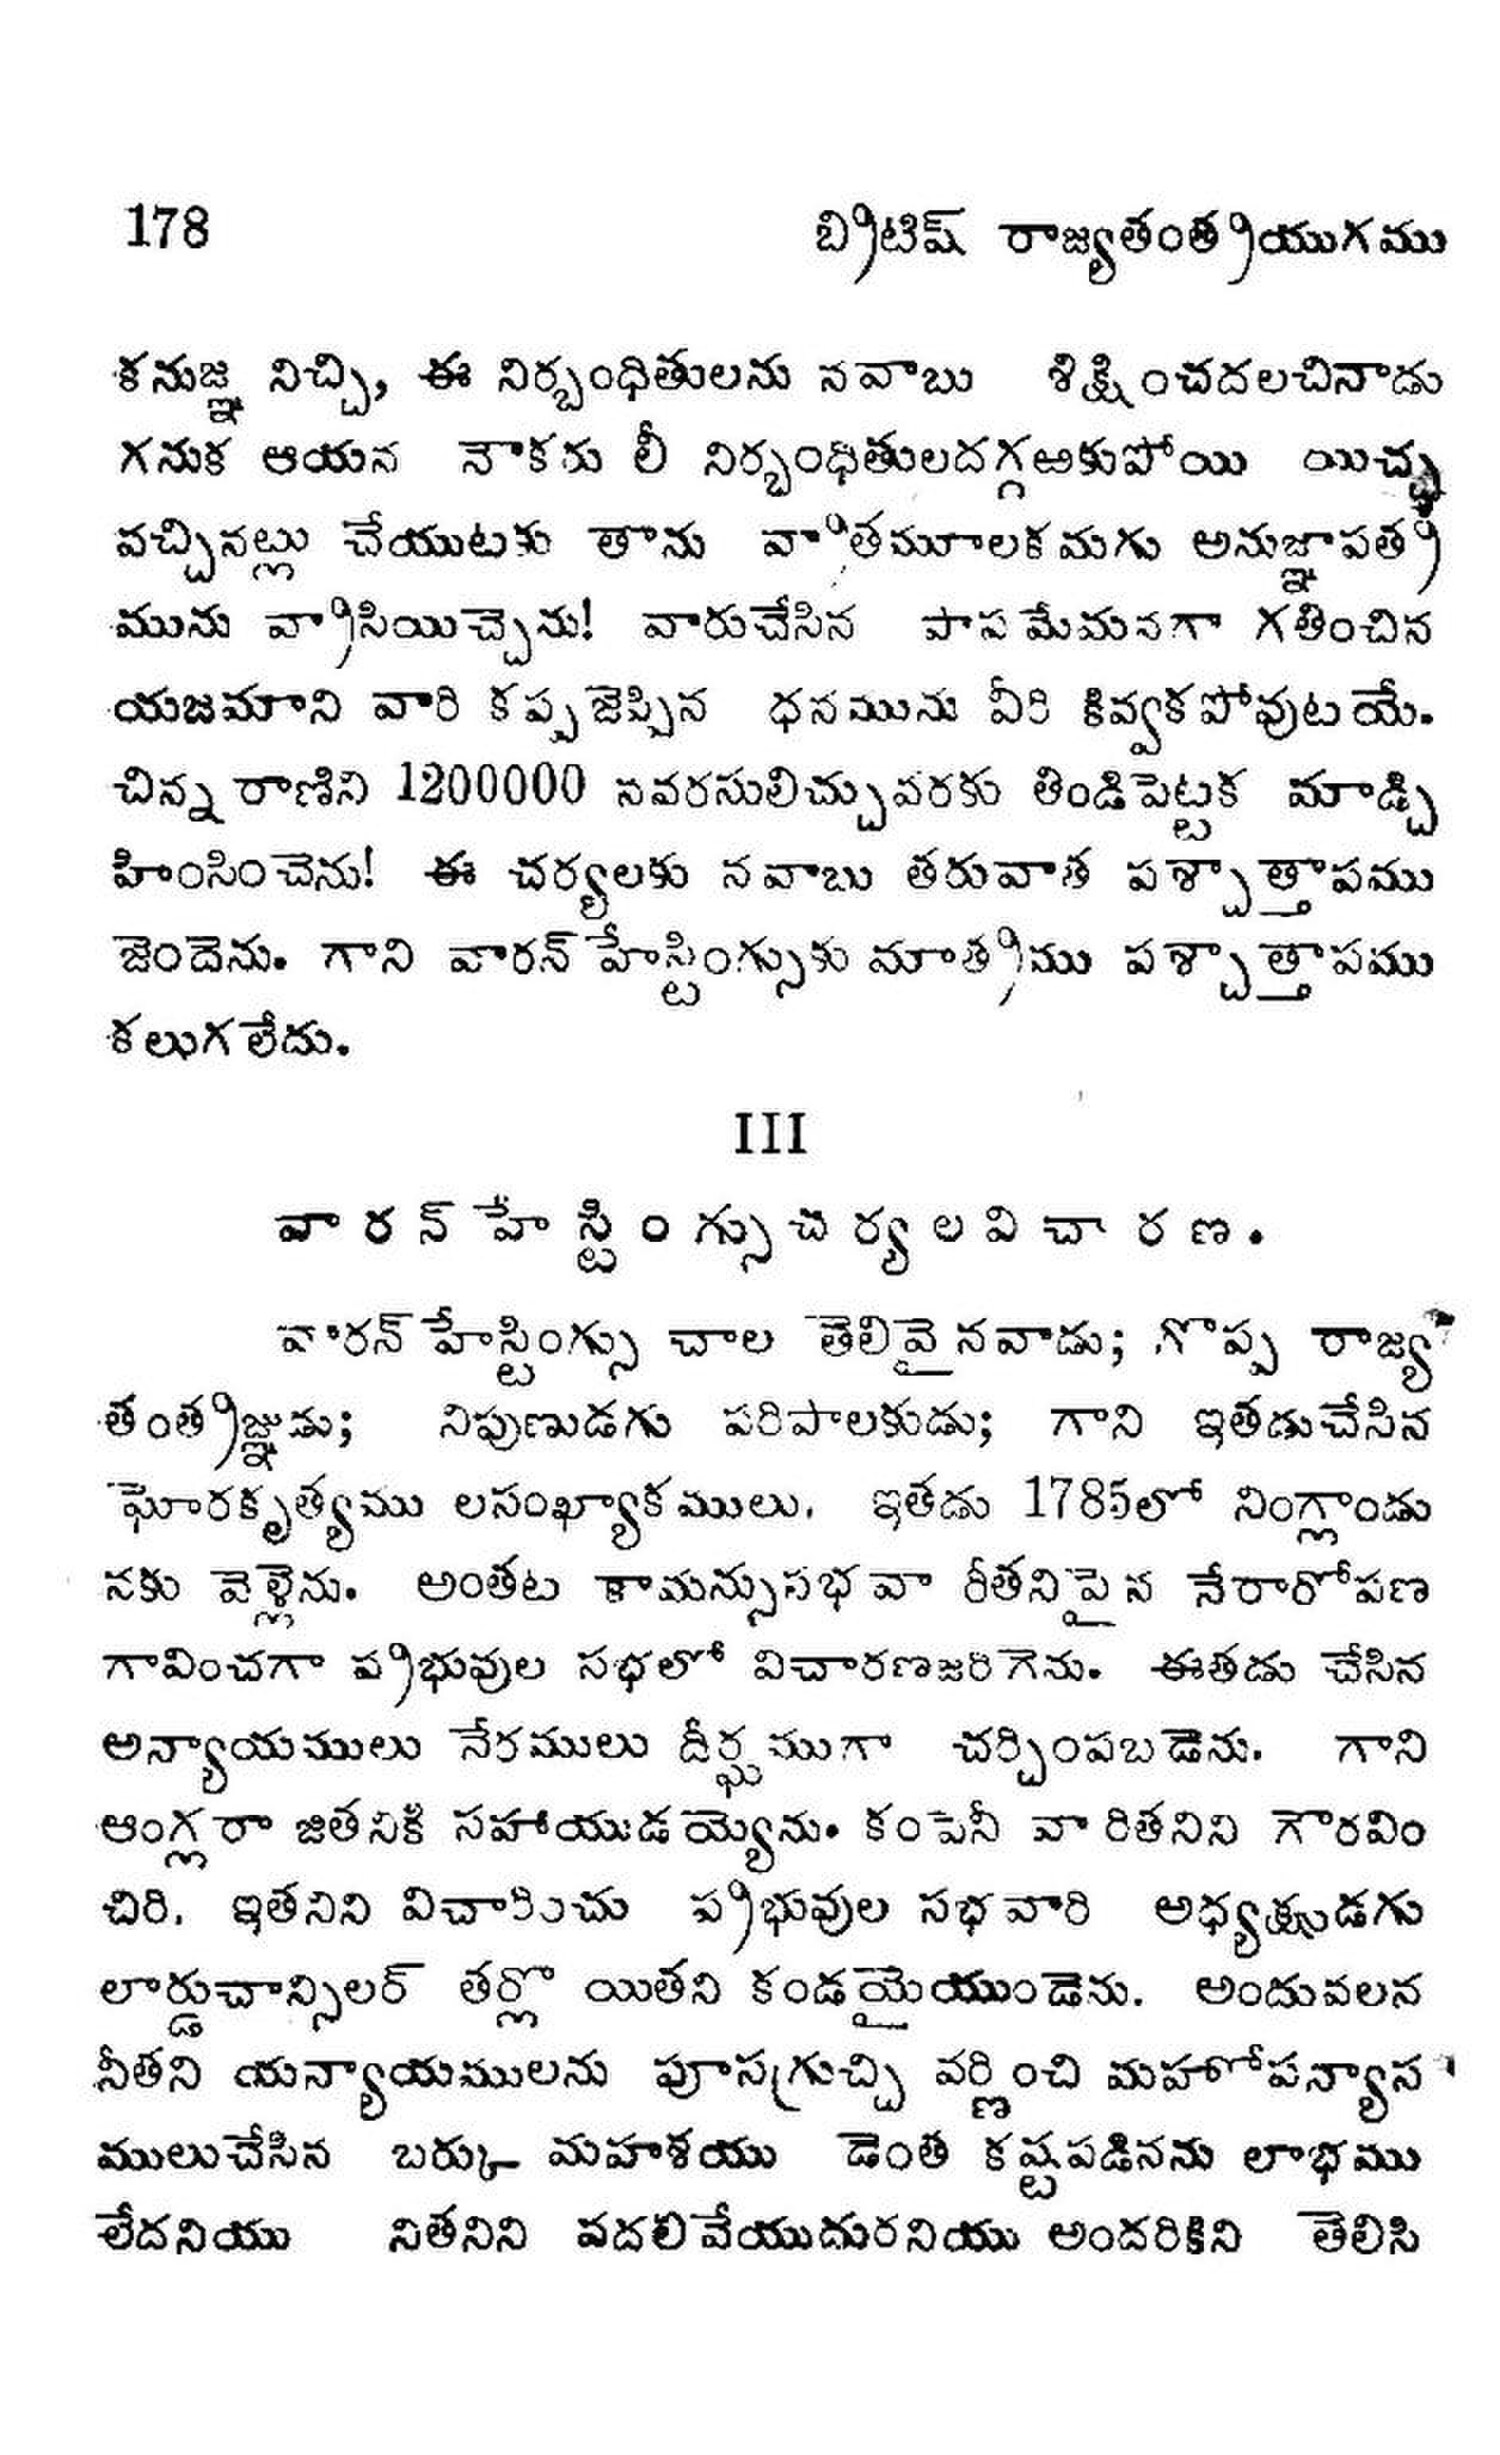కనుజ్ఞ నిచ్చి, ఈ నిర్బంధితులను నవాబు శిక్షించదలచినాడు గనుక ఆయన నౌకరు లీ నిర్బంధితులదగ్గఱకుపోయి యిచ్చ వచ్చినట్లు చేయుటకు తాను వ్రాతమూలకమగు అనుజ్ఞాపత్రమును వ్రాసియిచ్చెను! వారుచేసిన పాపమేమనగా గతించిన యజమాని వారి కప్ప జెప్చిన ధనమును వీరి కివ్వక పోవుటయే. చిన్న రాణిని 1200000 నవరసులిచ్చువరకు తిండిపెట్టక మాడ్చి హింసించెను! ఈ చర్యలకు నవాబు తరువాత పశ్చాత్తాపము జెందెను. గాని వారన్ హేస్టింగ్సుకు మాత్రము పశ్చాత్తాపము కలుగలేదు.

III 
వారన్‌హేస్టింగ్సుచర్యల విచారణ.

వారన్ హేస్టింగ్సు చాల తెలివైనవాడు; గొప్ప రాజ్య తంత్రజ్ఞుడు; నిపుణుడగు పరిపాలకుడు; గాని ఇతడుచేసిన ఘోరకృత్యము లసంఖ్యాకములు. ఇతడు 1785లో నింగ్లాండునకు వెళ్లెను. అంతట కామన్సుసభవా రీతనిపైన నేరారోపణ గావించగా ప్రభువుల సభలో విచారణజరిగెను. ఈతడు చేసిన అన్యాయములు నేరములు దీర్ఘముగా చర్చింపబడెను. గాని ఆంగ్లరా జితనికి సహాయుడయ్యెను. కంపెనీ వారితనిని గౌరవించిరి. ఇతనిని విచారించు ప్రభువుల సభవారి అధ్యక్షుడగు లార్డుచాన్సిలర్ తర్లొ యితని కండయైయుండెను. అందువలన నీతని యన్యాయములను పూసగ్రుచ్చి వర్ణించి మహోపన్యాసములు చేసిన బర్కు మహశయు డెంత కష్టపడినను లాభము లేదనియు నితనిని వదలివేయుదురనియు అందరికిని తెలిసి